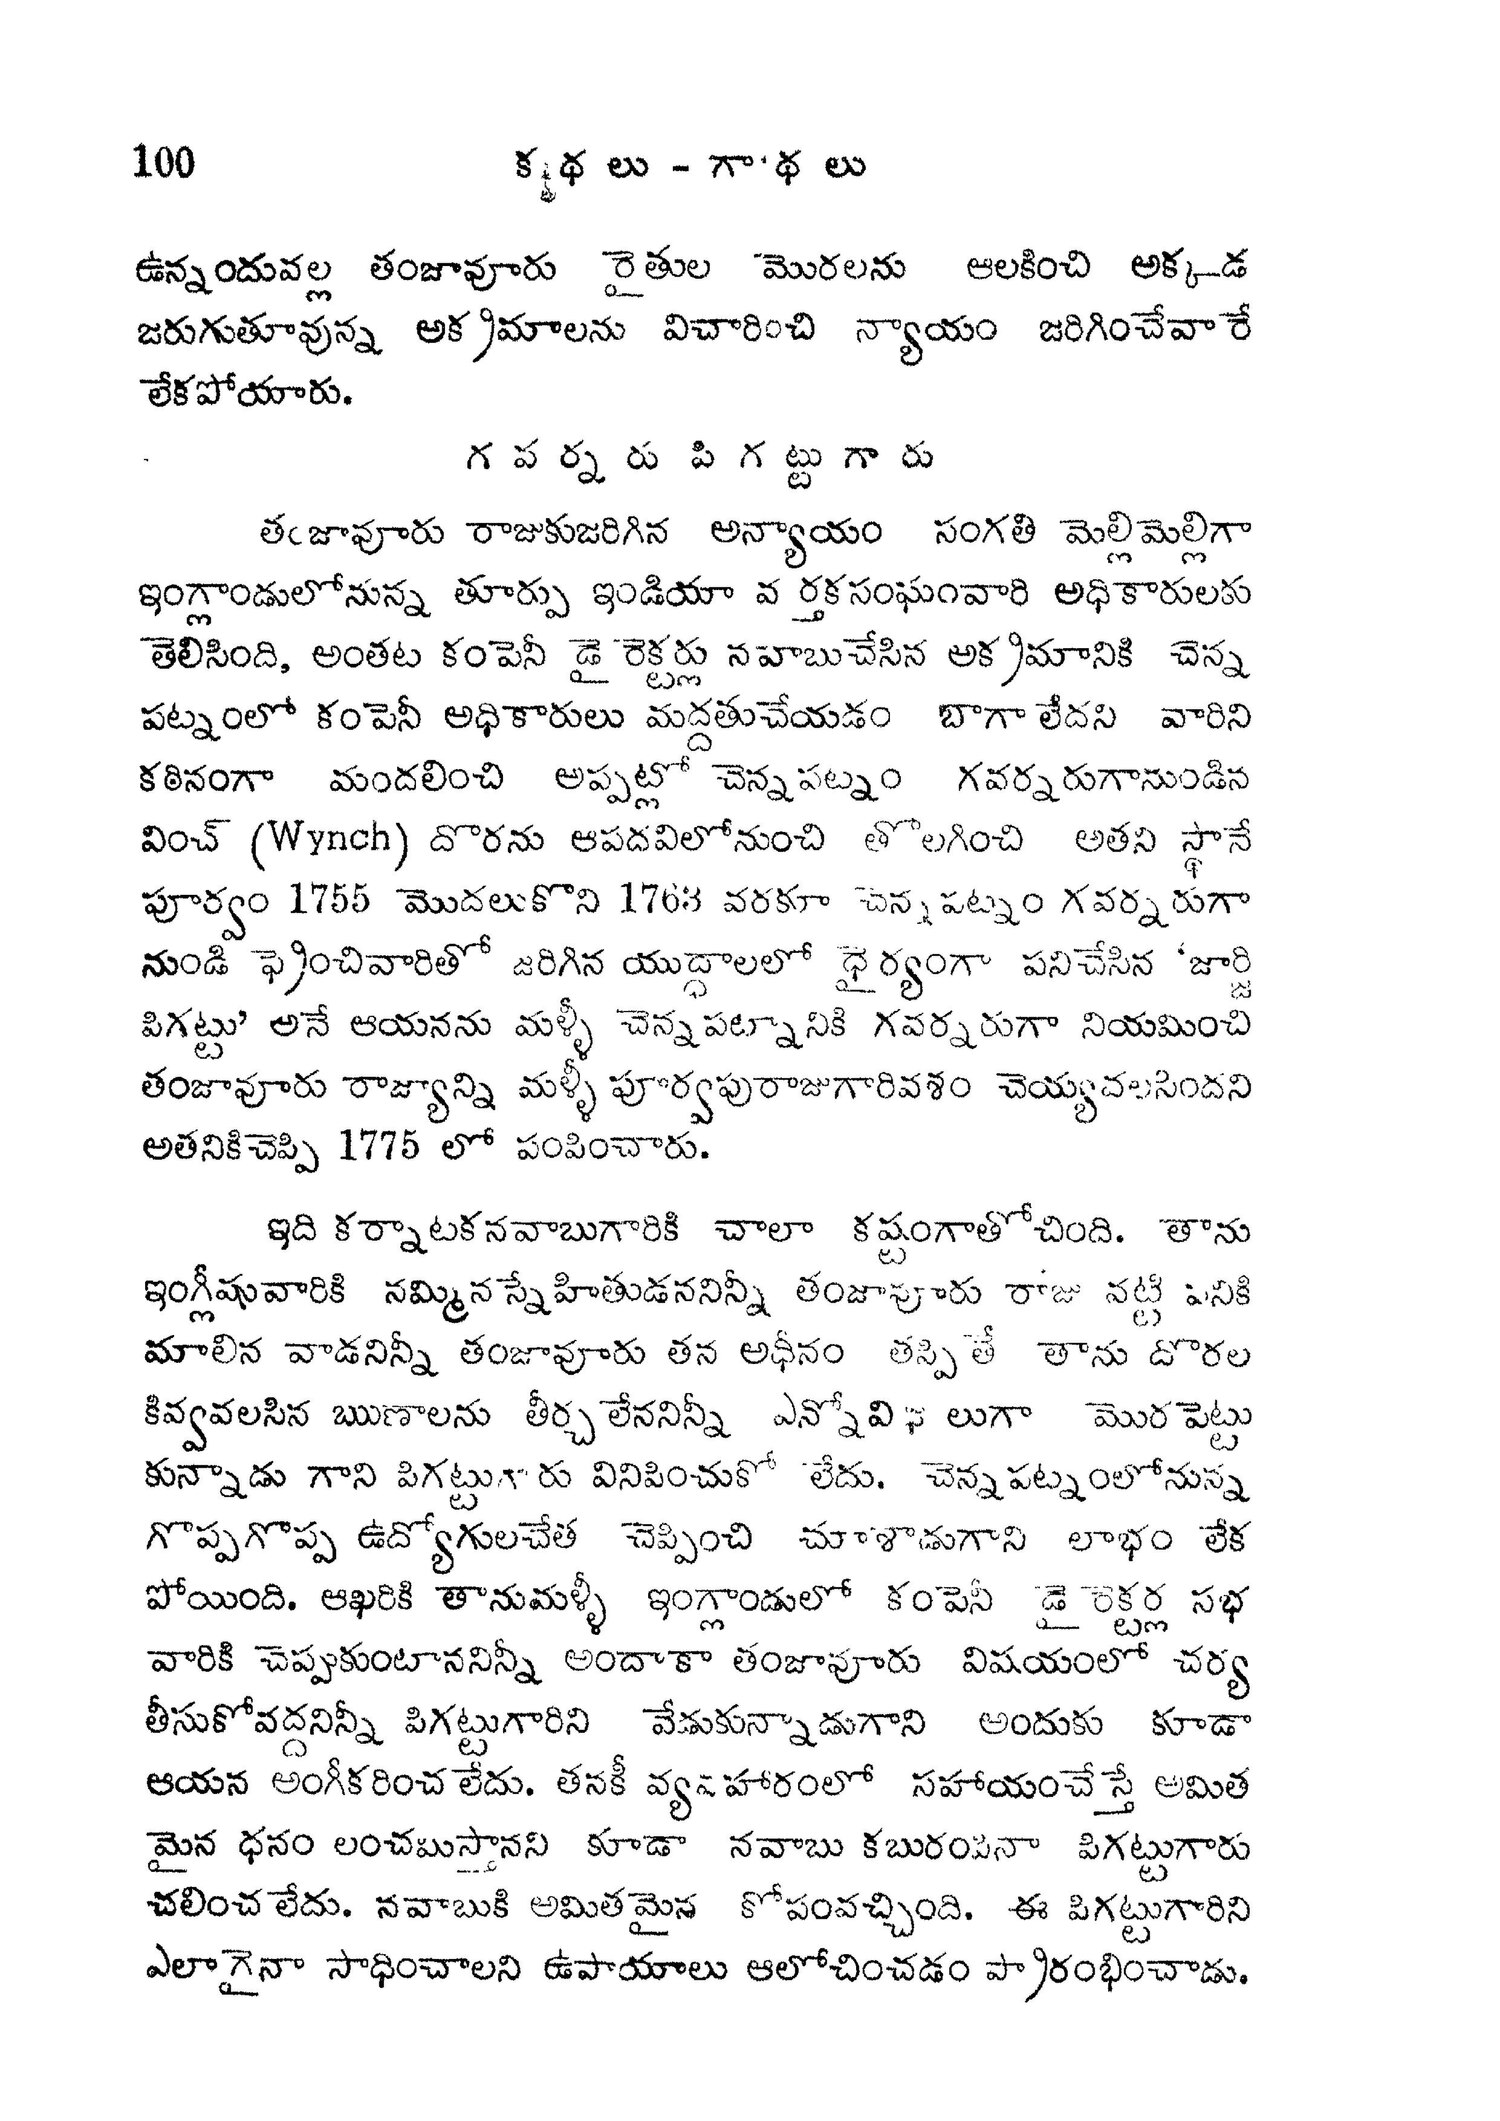ఉన్నందువల్ల తంజావూరు రైతుల మొరలను ఆలకించి అక్కడ జరుగుతూవున్న అక్రమాలను విచారించి న్యాయం జరిగించేవారే లేకపోయారు.

తంజావూరు రాజుకుజరిగిన అన్యాయం సంగతి మెల్లిమెల్లిగా ఇంగ్లాండులో నున్నతూర్పు ఇండియా వర్తకసంఘంవారి అధికారులకు తెలిసించి. అంతట కంపెనీ డైరెక్టర్లు నవాబుచేసిన అక్రమానికి చెన్నపట్నంలో కంపెనీ అధికారులు మద్దతుచేయడం బాగాలేదని వారిని కఠినంగా మందలించి అప్పట్లో చెన్నపట్నం గవర్నరుగా నుండిన వించ్ (Winch) దొరను ఆపదవిలోనుంచి తొలగించి అతని స్థానే పూర్వం 17855 మొదలుకొని 1763 వరకూ చెన్నపట్నం గవర్నరుగా నుండి ఫ్రెంచివారితో జరిగిన యుద్ధాలలో ధైర్యంగా పనిచేసిన 'జార్జి పిగట్టు ' అనే ఆయనను మళ్ళీ చెన్నపట్నానికి గవర్నరుగా నియమించి తంజావూరు రాజ్యాన్ని మళ్ళీ పూర్వపురాజుగారివశం చెయ్యవలసిందని అతనికి చెప్పి 1775 లో పంపించారు.

ఇది కర్నాటకనవాబుగారికి చాలా కష్టంగాతొచించి. తాను ఇంగ్లీషువారికి నమ్మిన స్నేహితుడననిన్నీ తంజావూరు రాజు వట్టి పనికిమాలిన వాడనిన్నీ తంజావూరు తన అధీనం తప్పితే తాను దొరల కివ్వవలసిన ఋణాలను తీర్చలేననిన్నీ ఎన్నోవిధాలుగా మొరపెట్టుకున్నాడు గాని పిగట్టుగారు వినిపించుకో లేదు. చెన్నపట్నంలోనున్న గొప్పగొప్ప ఉద్యోగులచేత చెప్పించి చూశాడుగాని లాభం లేక పోయింది. ఆఖరికి తాను మళ్ళీ ఇంగ్లాండులో కంపనీ డైరెక్టర్ల సభవారికి చెప్పుకుంటాననిన్నీ అందాకా తంజావూరు విషయంలో చర్యతీసుకొవద్దనిన్నీ పిగట్టుగారిని వేడుకున్నాడుగాని అందుకు కూడా ఆయన అంగీకరించలేదు. తనకీ వ్యవహారంలో సహాయంచేస్తే అమిత మైన ధనం లంచమిస్తానని కూడా నవాబు కబురంపగా పిగట్టుగారు చలించలేదు. నవాబుకి అమితమైన కోపంవచ్చింది. ఈ పిగట్టుగారిని ఎలాగైనా సాధించాలని ఉపాయాలు ఆలోచించడం ప్రారంభించాడు.